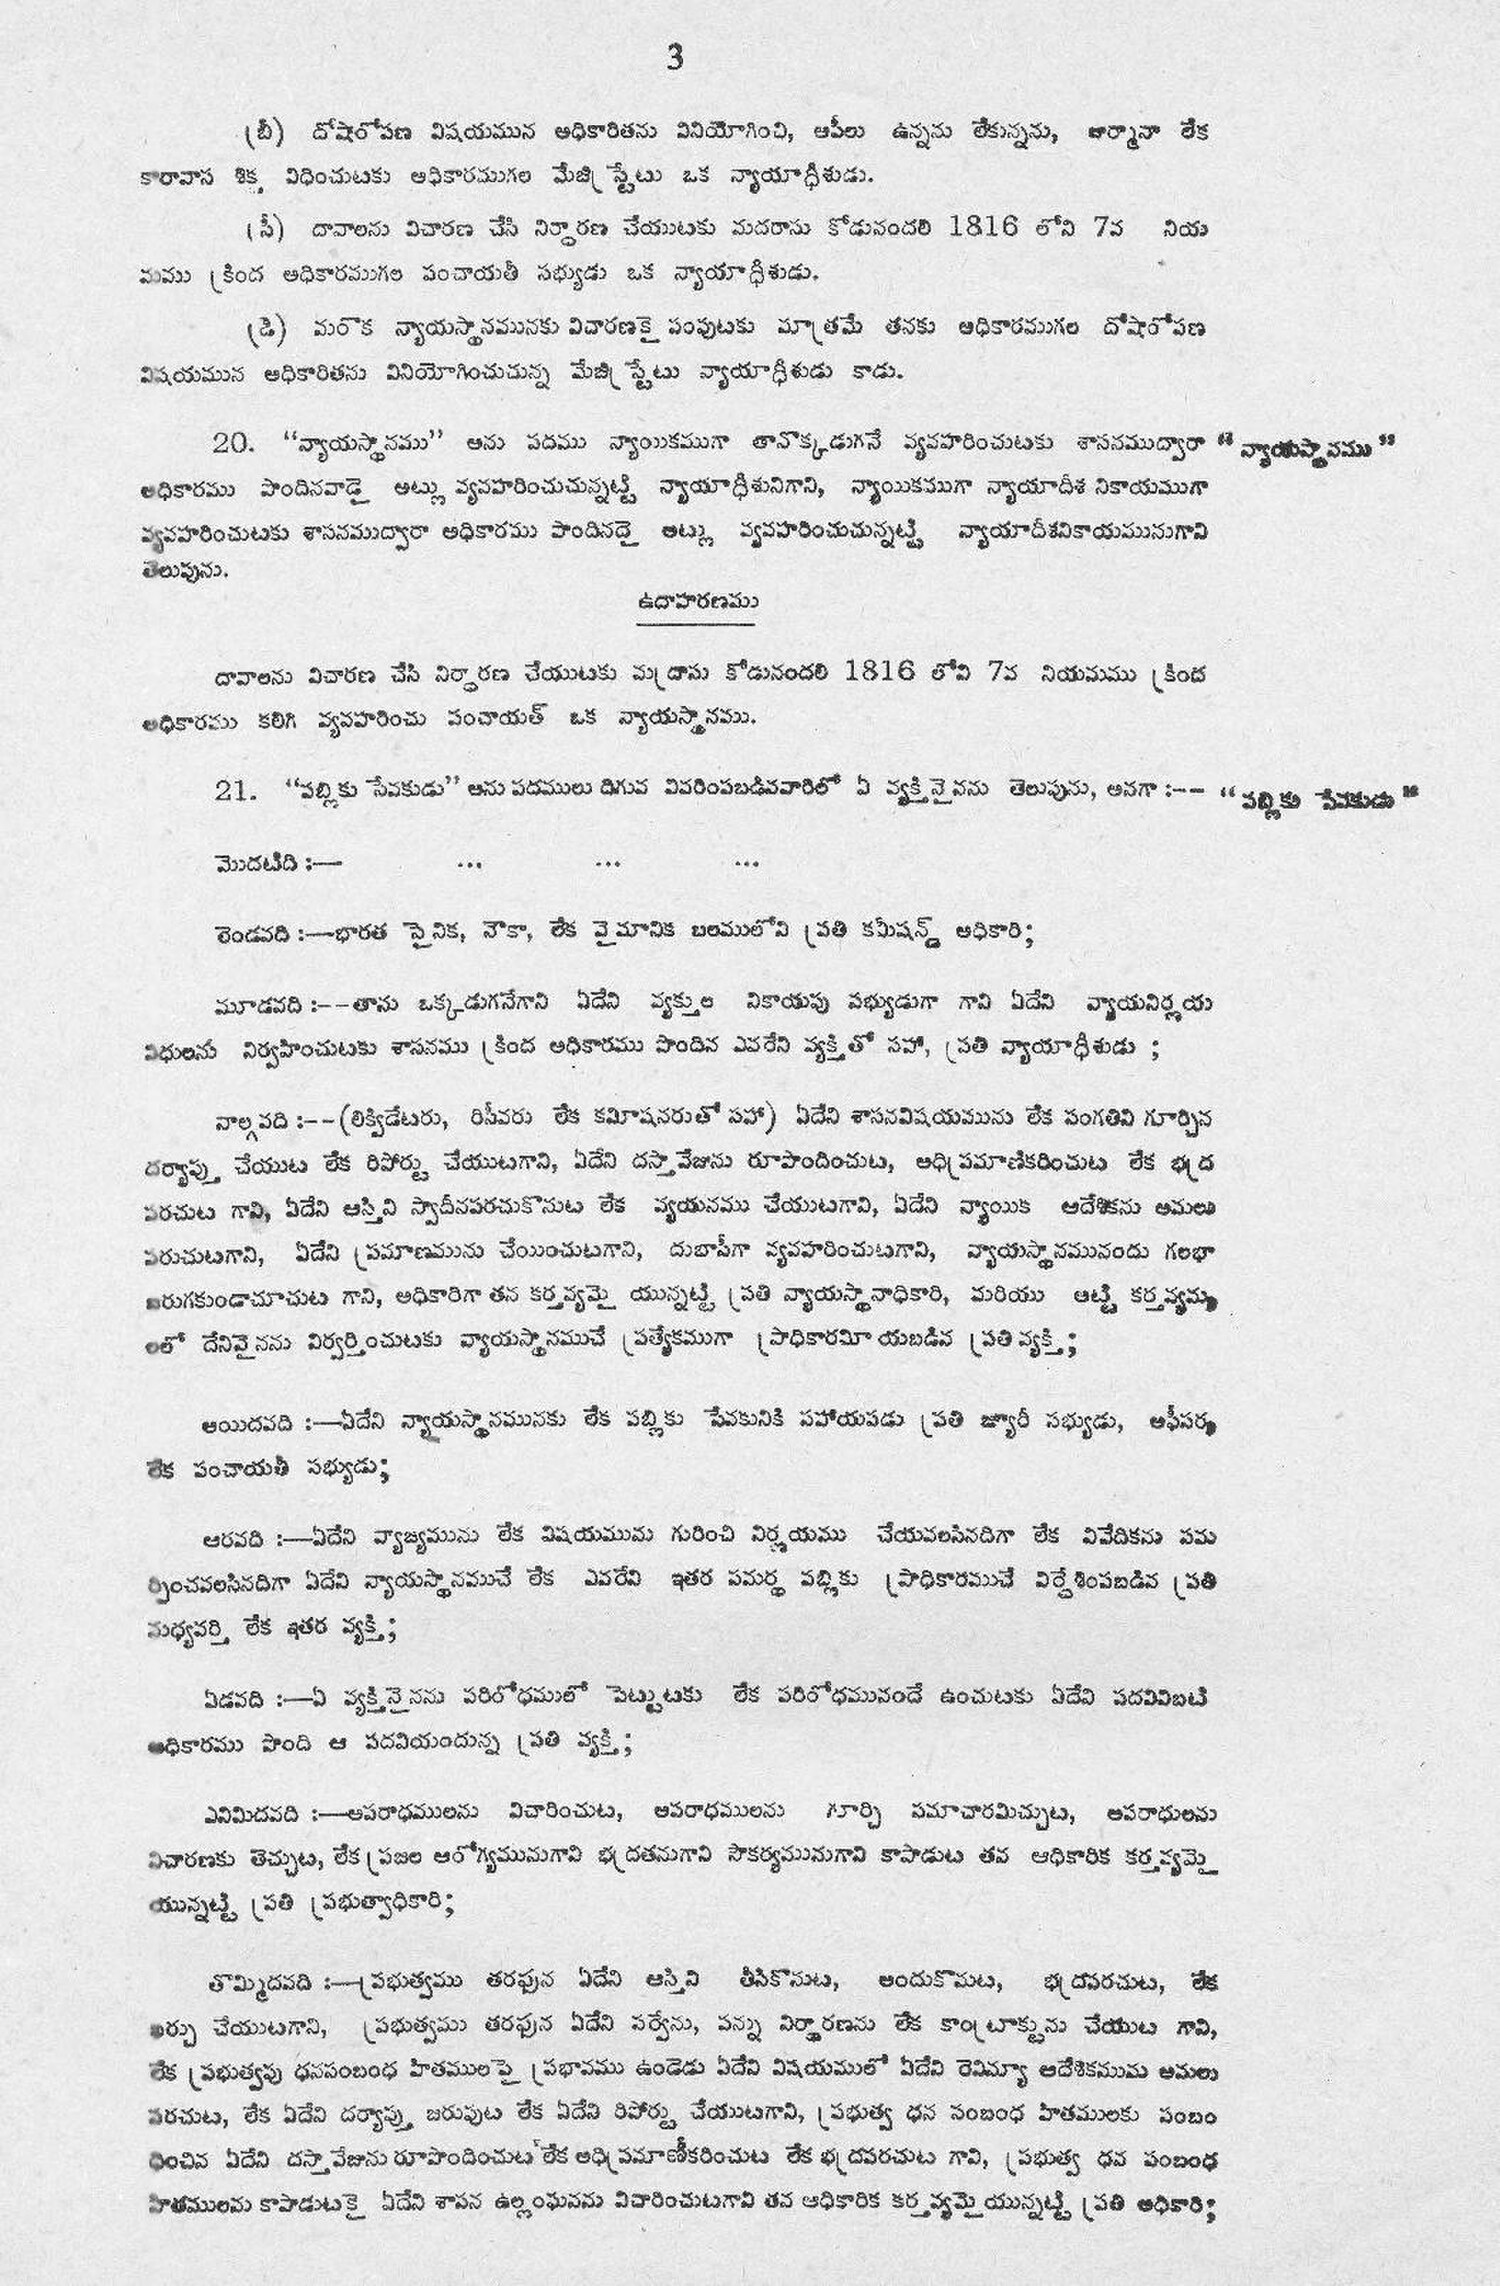బీ) దోషారోపణ విషయమున అధికారితను వినియోగించి, ఆపీలు ఉన్నను లేకున్నను, జుర్మానా లేక కారావాస శిక్ష విధించుటకు ఆధికారముగల మేజిస్టేటు ఒక న్యాయాదీశుడు.

(సీ) దావాలను విచారణ చేసి నిర్ధారణ చేయుటకు మదరాసు కోడునందలి 1816 లోని 7వ నియమము క్రింద అధికారముగల పంచాయతీ సభ్యుడు. ఒక న్యాయాధీశుడు.

డి) మరొక న్యాయస్థానమునకు విచారణకై పంపుటకు మాత్రమే తనకు అధికారముగల దోషారోపణ విషయమున అధికారితను వినియోగించుచున్న మేజిస్టేటు న్యాయాధీశుడు కాడు.

“న్యాయస్థానము"

20. “న్యాయస్థానము" అను పదము న్యాయికముగా తానొక్కడుగనే వ్యవహరించుటకు శాసనము ద్వారా అధికారము పొందినవాడై అట్లు వ్యవహరించుచున్నట్టి న్యాయాధీశునిగాని, న్యాయికముగా న్యాయాదీశ నికాయముగా వ్యవహరించుటకు శాసనము ద్వారా అధికారము పొందినదై అట్లు వ్యవహరించుచున్నట్టి న్యాయాదీశనికాయమునుగాని తెలుపును.

దావాలను విచారణ చేసి నిర్ధారణ చేయుటకు మద్రాసు కోడునందలి 1816 లోని 7వ నియమము క్రింద అధికారము కలిగి వ్యవహరించు పంచాయత్ ఒక న్యాయస్థానము.

“పబ్లికు సేవకుడు"

21. “పబ్లికు సేవకుడు" అను పదములు దిగువ వివరింపబడిన వారిలో ఏ వ్యక్తినైనను తెలుపును, అనగా :--

మొదటిది:- ... ... ... ...

రెండవది :- భారత సైనిక, నౌకా, లేక వైమానిక బలములోని ప్రతి కమీషన్డ్ అధికారి;

మూడవది :-- తాను ఒక్కడుగనేగాని ఏదేని వ్యక్తుల వికాయపు సభ్యుడుగా గాని ఏదేని న్యాయనిర్ణయ విధులను నిర్వహించుటకు శాసనము క్రింద అధికారము పొందిన ఎవరేని వ్యక్తితో సహా, ప్రతి న్యాయాధీశుడు ;

నాల్గవది :-- (లిక్విడేటరు, రిసీవరు లేక కమిషనరుతో సహా) ఏదేని శాసనవిషయమును లేక సంగతిని గూర్చిన
దర్యాప్తు చేయుట లేక రిపోర్టు చేయుటగాని, ఏదేని దస్తావేజును రూపొందించుట, అధి ప్రమాణికరించుట లేక భద్ర
పరచుట గాని, ఏదేని ఆస్తిని స్వాదీనపరచుకొనుట లేక వ్యయనము చేయుటగాని, ఏదేని న్యాయిక ఆదేశికను అమలు
పరుచుటగాని, ఏదేని ప్రమాణమును చేయించుటగాని, దుబాసీగా వ్యవహరించుటగాని, న్యాయస్థానమునందు గలభా
జరుగకుండా చూచుట గాని, అధికారిగా తన కర్తవ్యమై యున్నట్టి ప్రతి న్యాయస్థానాధికారి, మరియు ఆట్టి కర్తవ్యము
లలో దేనినైనను నిర్వర్తించుటకు న్యాయస్థానముచే ప్రత్యేకముగా ప్రాధికారమీయబడిన ప్రతి వ్యక్తి ;

అయిదవది : -ఏదేని న్యాయస్థానమునకు లేక పబ్లికు సేవకునికి సహాయపడు ప్రతి జ్యూరీ సభ్యుడు, ఆఫీసర,
లేక పంచాయతీ సభ్యుడు;

ఆరవది :-ఏదేని వ్యాజ్యమును లేక విషయముమ గురించి నిర్ణయము చేయవలసినదిగా లేక నివేదికను సమ
ర్పించవలసినదిగా ఏదేని న్యాయస్థానముచే లేక ఎవరేని ఇతర సమర్థ పబ్లికు ప్రాధికారముచే నిర్దేశింపబడిన ప్రతి
మధ్యవర్తి లేక ఇతర వ్యక్తి;

ఏడవది :- ఏ వ్యక్తి నైనను పరిరోధములో పెట్టుటకు లేక పరిరోధమునందే ఉంచుటకు ఏదేవి పదవినిబటి అధికారము పొంది ఆ పదవియందున్న ప్రతి వ్యక్తి;

ఎనిమిదవది : అపరాధములను విచారించుట, అపరాధములను గూర్చి సమాచారమిచ్చుట, అపరాధులను విచారణకు తెచ్చుట, లేక ప్రజల ఆరోగ్యమునుగాని భద్రతనుగాని సౌకర్యమునుగాని కాపాడుట తన ఆధికారిక కర్తవ్యమై యున్నట్టి ప్రతి ప్రభుత్వాధికారి;

తొమ్మిదవది :- ప్రభుత్వము తరఫున ఏదేని ఆస్తిని తీసికొనుట, అందుకొనుట, భద్రపరచుట, లేక ఖర్చు చేయుటగాని, ప్రభుత్వము తరఫున ఏదేని సర్వేను, పన్ను నిర్ధారణను లేక కాంట్రాక్టును చేయుట గాని, లేక ప్రభుత్వపు ధనసంబంధ హితములపై ప్రభావము ఉండెడు ఏదేని విషయములో ఏదేని రెవిన్యూ ఆదేశికమును అమలు పరచుట, లేక ఏదేని దర్యాప్తు జరుపుట లేక ఏదేని రిపోర్టు చేయుటగాని, ప్రభుత్వ ధన సంబంధ హితములకు సంబంధించిన ఏదేని దస్తావేజును రూపొందించుట లేక అధి ప్రమాణీకరించుట లేక భద్రపరచుట గావి, ప్రభుత్వ ధన సంబంధ హితములను కాపాడుటకై ఏదేని శాసన ఉల్లంఘనను విచారించుటగాని తన ఆధికారిక కర్తవ్యమై యున్నట్టి ప్రతి అధికారి;